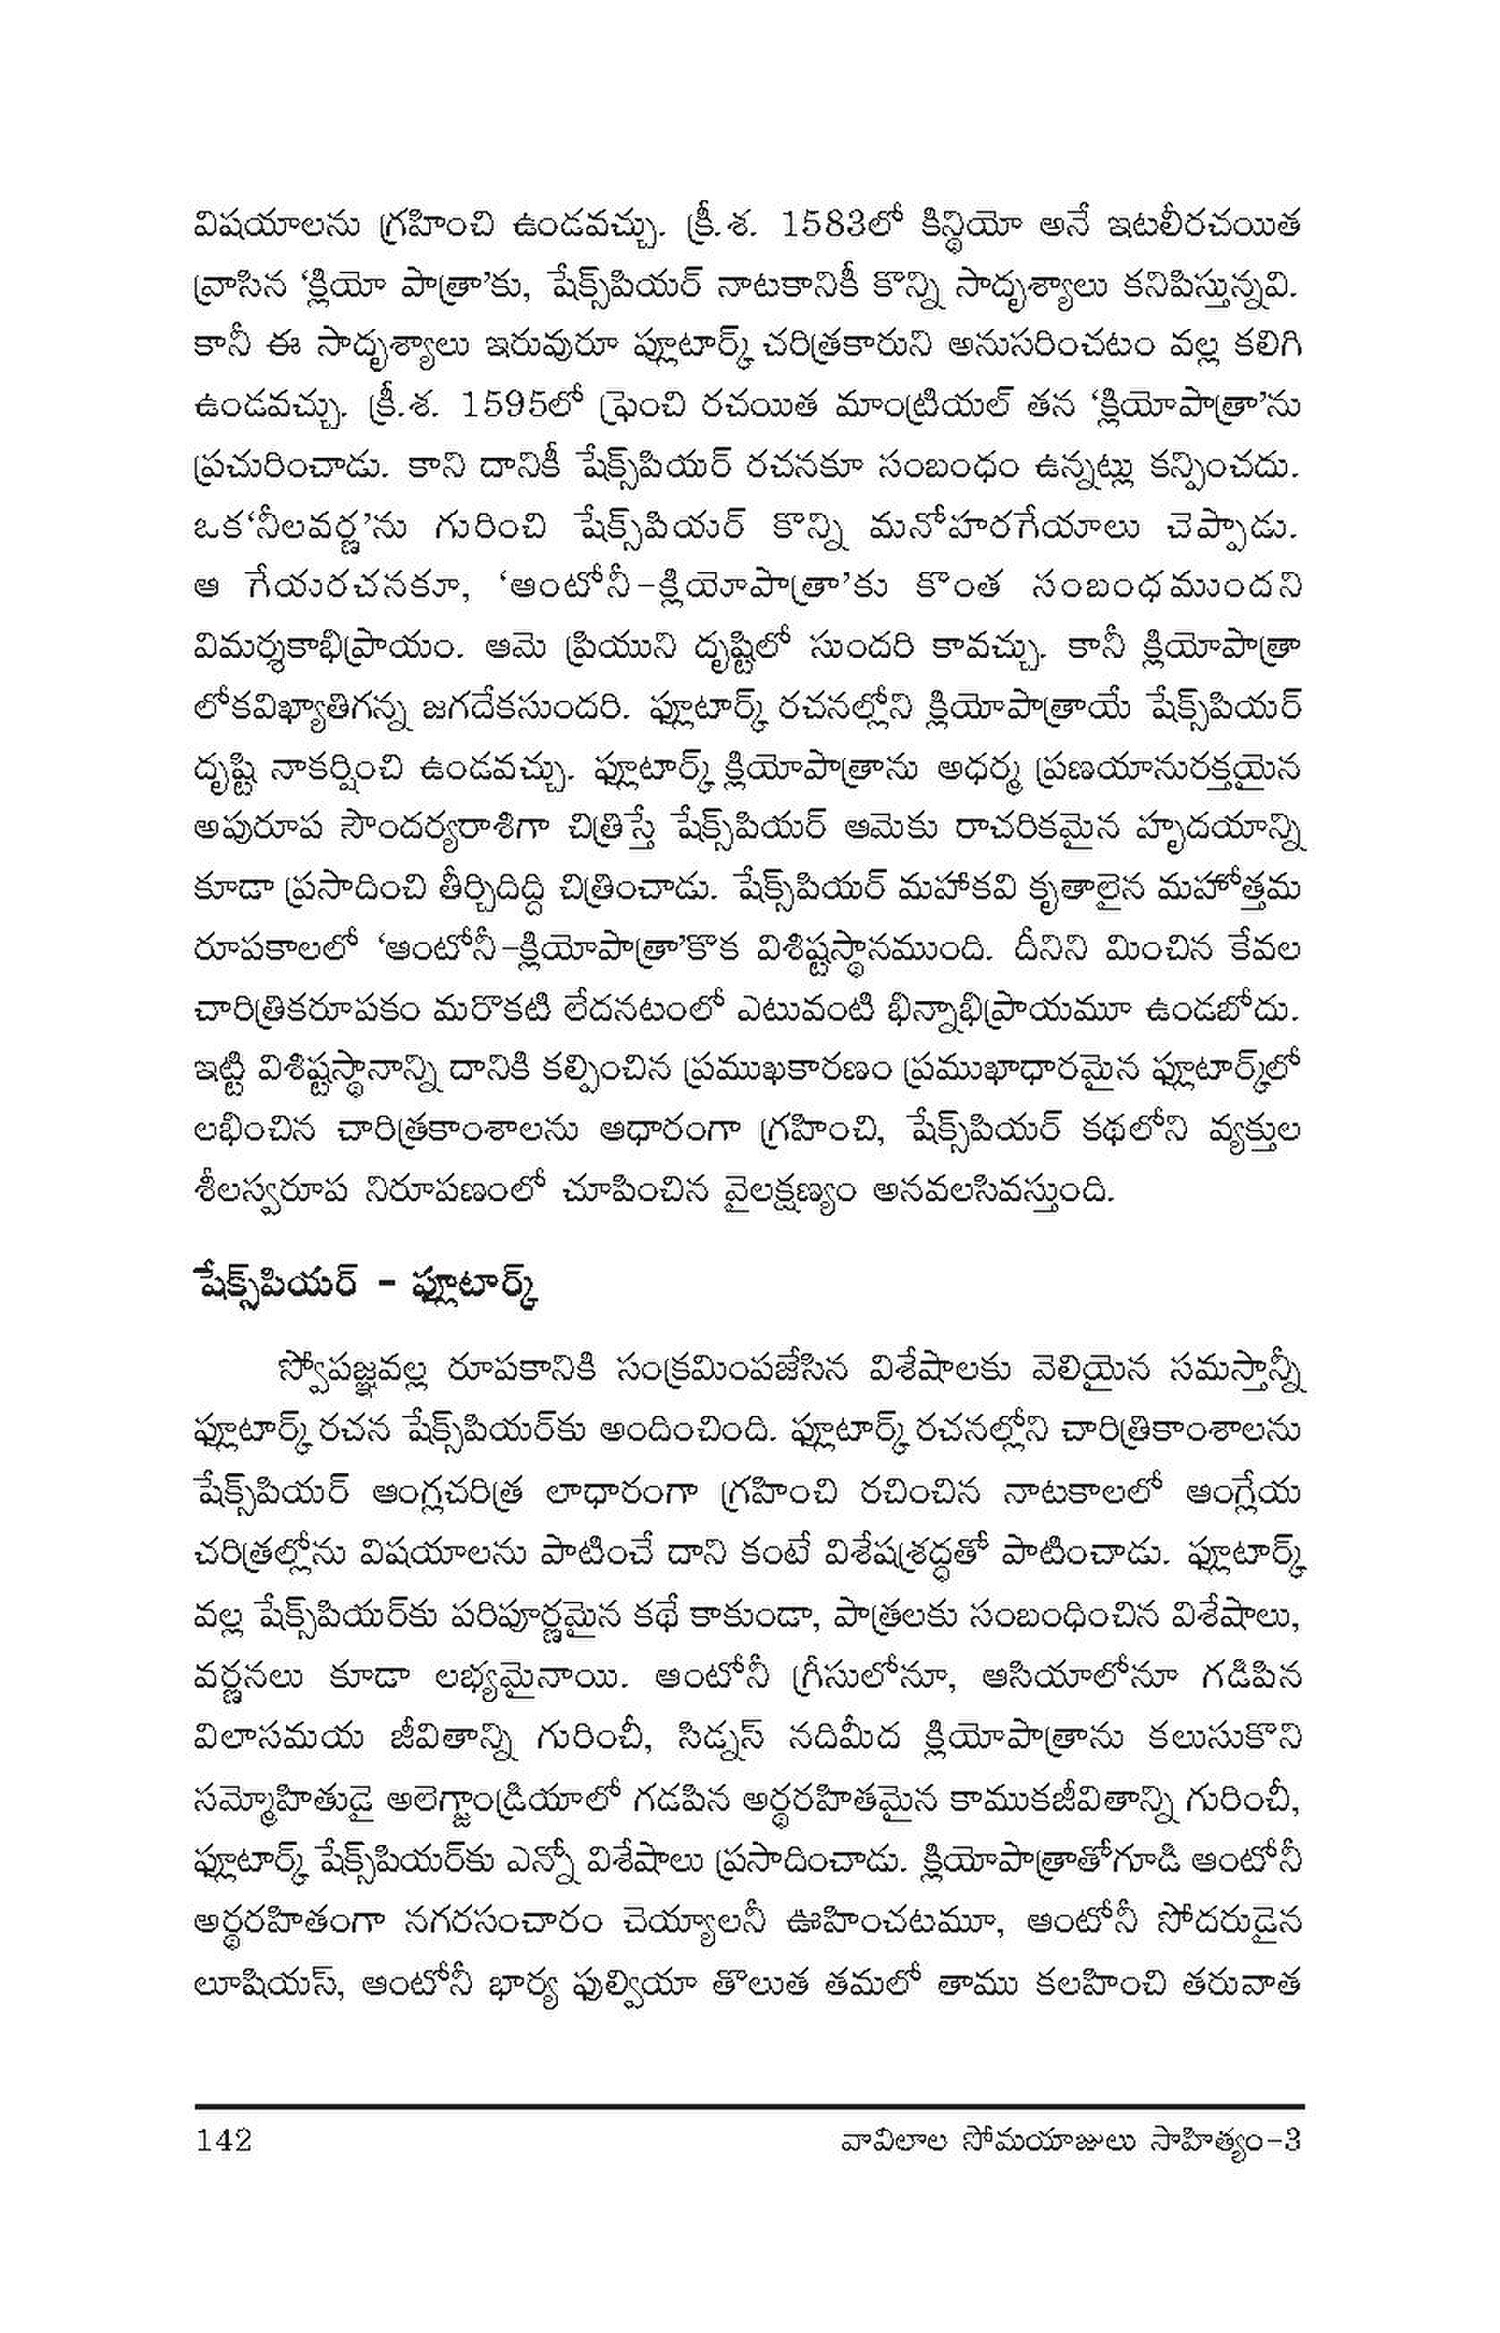విషయాలను గ్రహించి ఉండవచ్చు. క్రీ.శ. 1583లో కినియో అనే ఇటలీరచయిత వ్రాసిన 'క్లియో పాత్రా'కు, షేక్స్ పియర్ నాటకానికీ కొన్ని సాదృశ్యాలు కనిపిస్తున్నవి. కానీ ఈ సాదృశ్యాలు ఇరువురూ ప్లూటార్క్ చరిత్రకారుని అనుసరించటం వల్ల కలిగి ఉండవచ్చు. క్రీ.శ. 1595లో ఫ్రెంచి రచయిత మాంట్రియల్ తన 'క్లియోపాత్రా'ను ప్రచురించాడు. కాని దానికీ 
షేక్స్ పియర్ రచనకూ సంబంధం ఉన్నట్లు కన్పించదు. ఒక 'నీలవర్ణ'ను గురించి షేక్స్పియర్ కొన్ని మనోహరగేయాలు చెప్పాడు. ఆ గేయరచనకూ, 'ఆంటోనీ-క్లియోపాత్రా'కు కొంత సంబంధముందని విమర్శకాభిప్రాయం. ఆమె ప్రియుని దృష్టిలో సుందరి కావచ్చు. కానీ క్లియోపాత్రా లోకవిఖ్యాతిగన్న జగదేకసుందరి. ఫ్లూటార్క్ రచనల్లోని క్లియోపాత్రాయే 
షేక్స్ పియర్ ద్రుష్టి నాకర్షించి ఉండవచ్చు. ప్లూటార్క్ క్లియోపాత్రాను అధర్మ ప్రణయానురక్తయైన అపురూప సౌందర్యరాశిగా చిత్రిస్తే షేక్స్ పియర్ ఆమెకు రాచరికమైన హృదయాన్ని కూడా ప్రసాదించి తీర్చిదిద్ది చిత్రించాడు. షేక్స్ పియర్ మహాకవి కృతాలైన మహోత్తమ రూపకాలలో 'ఆంటోనీ-క్లియోపాత్రా'కొక విశిష్టస్థానముంది. దీనిని మించిన కేవల చారిత్రికరూపకం మరొకటి లేదనటంలో ఎటువంటి భిన్నాభిప్రాయమూ ఉండబోదు. ఇట్టి విశిష్టస్థానాన్ని దానికి కల్పించిన ప్రముఖకారణం ప్రముఖాధారమైన ప్లూటార్క్ లో లభించిన చారిత్రకాంశాలను ఆధారంగా గ్రహించి, షేక్స్ పియర్ కథలోని వ్యక్తుల
శీలస్వరూప నిరూపణంలో చూపించిన వైలక్షణ్యం అనవలసివస్తుంది.

స్వోపజ్ఞవల్ల రూపకానికి సంక్రమింపజేసిన విశేషాలకు వెలియైన సమస్తాన్నీ ఫ్లూటార్క్ రచన షేక్స్ పియర్ కు అందించింది. ఫ్లూటార్క్ రచనల్లోని చారిత్రికాంశాలను షేక్స్ పియర్ ఆంగ్లచరిత్ర లాధారంగా గ్రహించి రచించిన నాటకాలలో ఆంగ్లేయ
చరిత్రల్లోను విషయాలను పాటించే దాని కంటే విశేషశ్రద్ధతో పాటించాడు. ప్లూటార్క్ వల్ల షేక్స్ పియర్ కు పరిపూర్ణమైన కథే కాకుండా, పాత్రలకు సంబంధించిన విశేషాలు, వర్ణనలు కూడా లభ్యమైనాయి. ఆంటోనీ గ్రీసులోనూ, ఆసియాలోనూ గడిపిన
విలాసమయ జీవితాన్ని గురించీ, సిడ్నస్ నదిమీద క్లియోపాత్రాను కలుసుకొని సమ్మోహితుడై అలెగ్జాండ్రియాలో గడపిన అర్థరహితమైన కాముకజీవితాన్ని గురించీ, ప్లూటార్క్ షేక్స్ పియర్ కు ఎన్నో విశేషాలు ప్రసాదించాడు. క్లియోపాత్రాతోగూడి ఆంటోనీ అర్థరహితంగా నగరసంచారం చెయ్యాలనీ ఊహించటమూ, ఆంటోనీ సోదరుడైన లూషియస్, ఆంటోనీ భార్య ఫుల్వియా తొలుత తమలో తాము కలహించి తరువాత